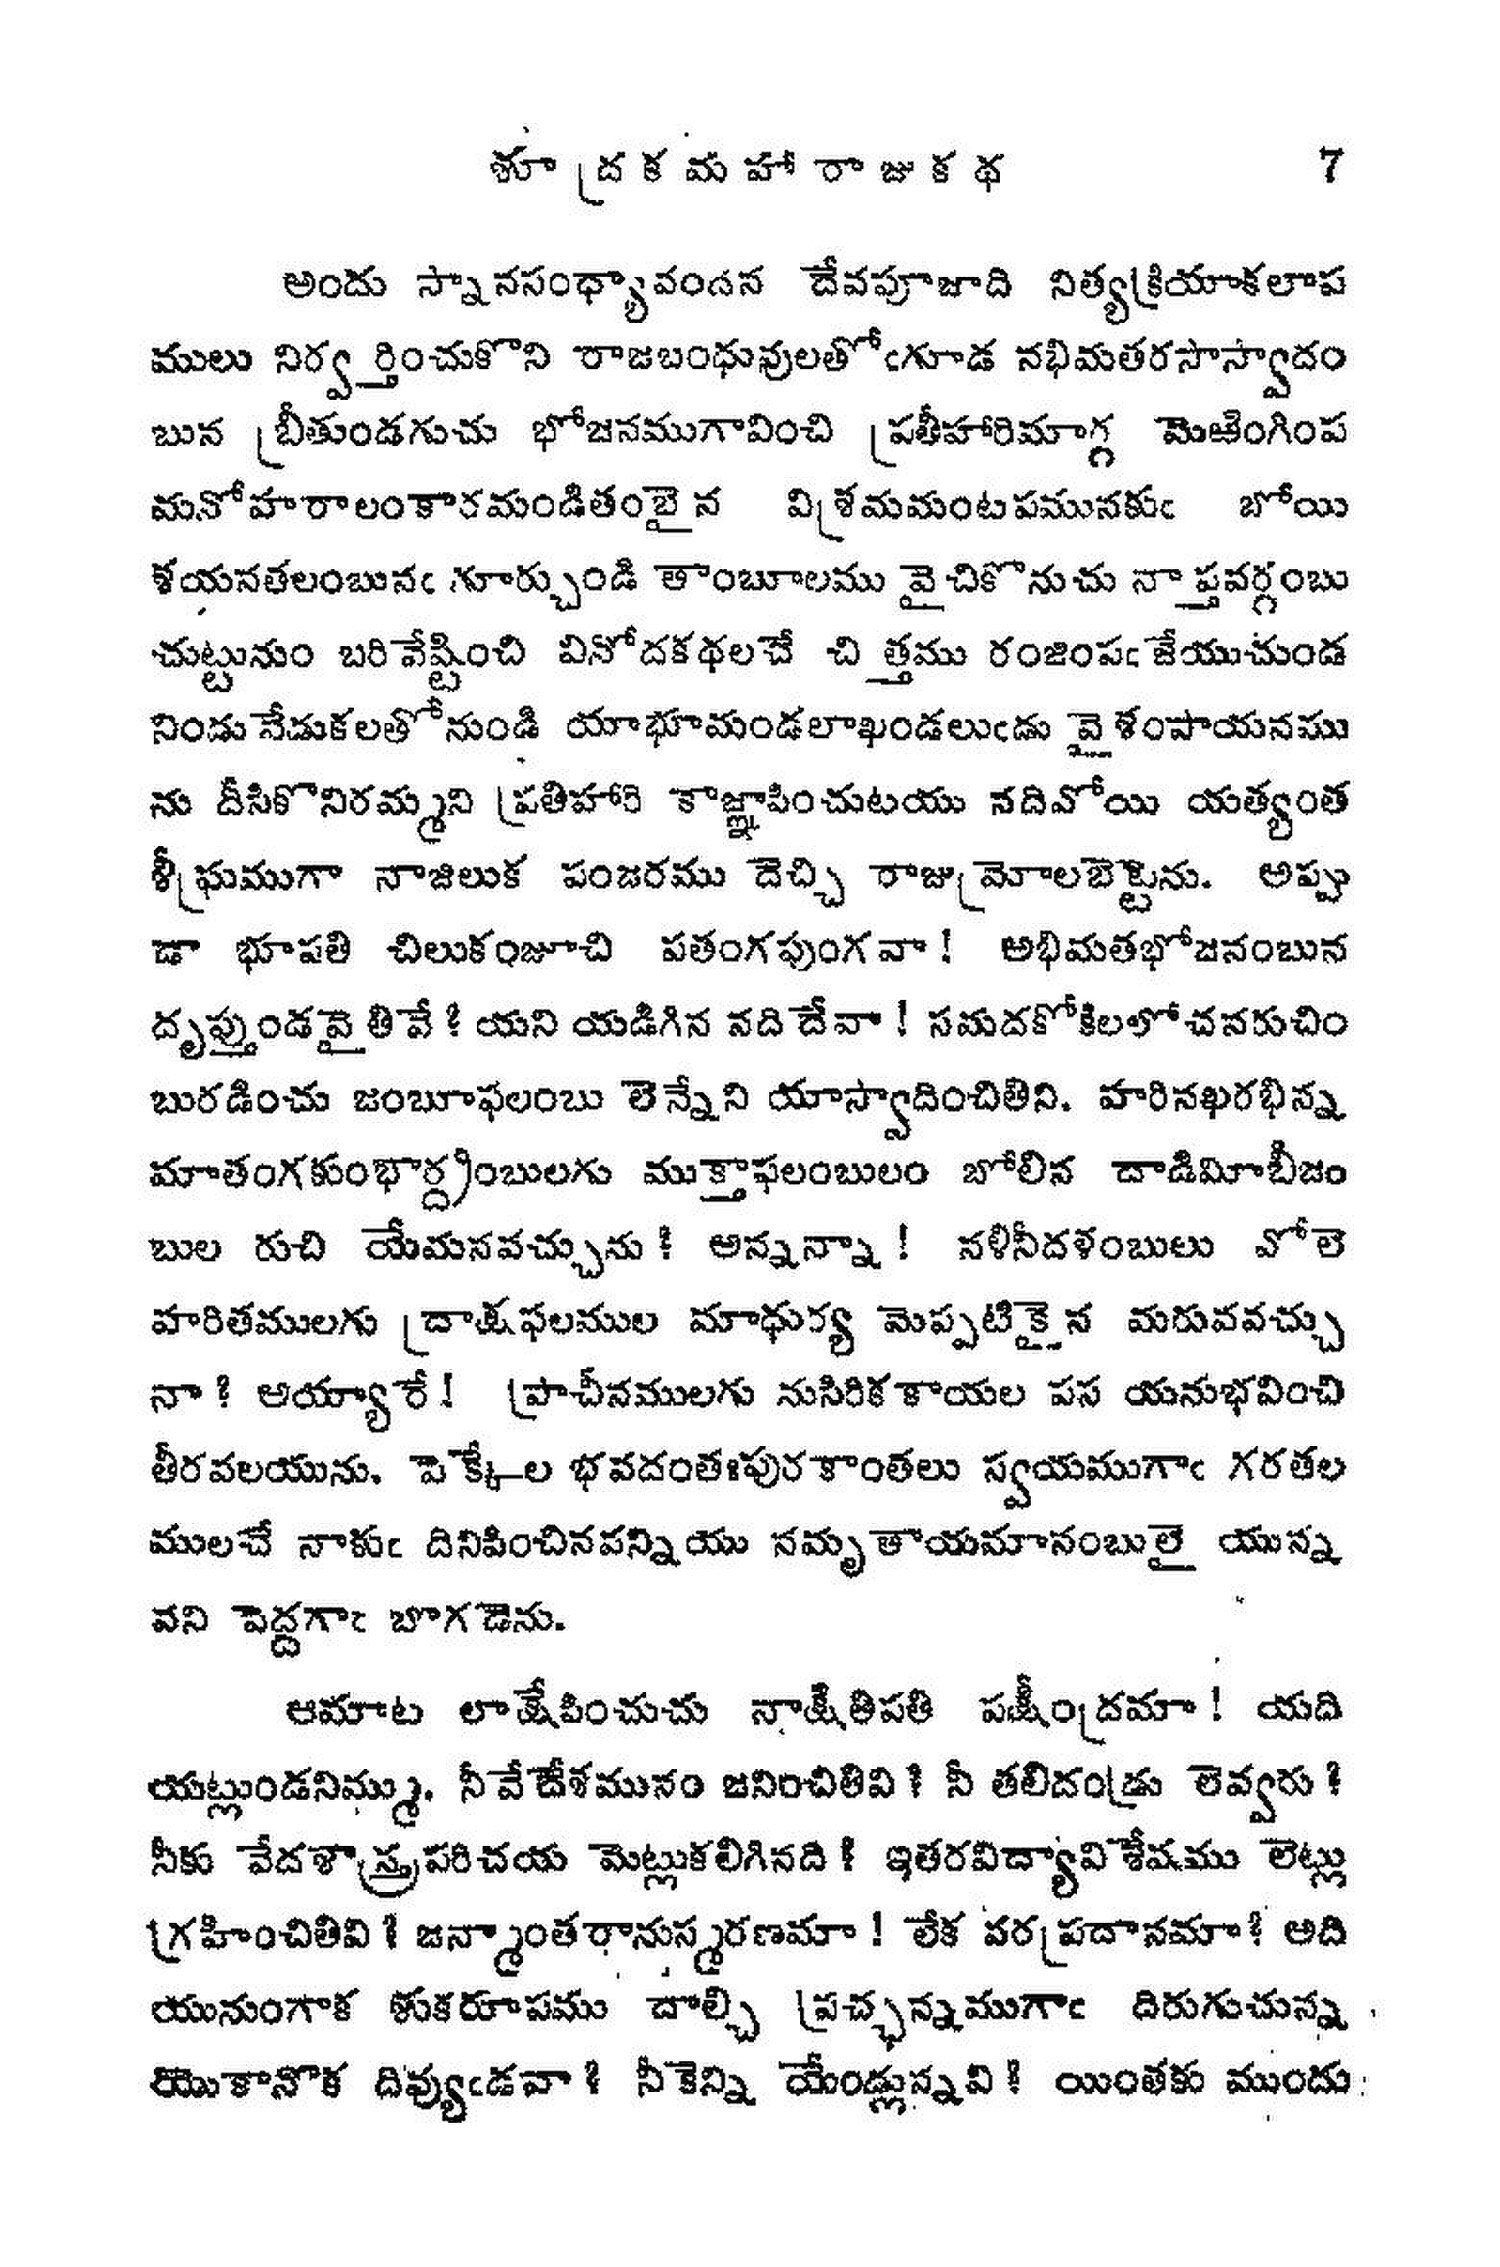అందు స్నానసంధ్యావందన దేవపూజాది నిత్యక్రియాకలాపములు నిర్వర్తించుకొని రాజబంధువులతోఁగూడ నభిమతరసాస్వాదంబున బ్రీతుండగుచు భోజనముగావించి ప్రతీహారిమార్గ మెఱింగింప మనోహరాలంకారమండితంబైన విశ్రమమంటపమునకుఁ బోయి శయనతలంబునఁ గూర్చుండి తాంబూలము వైచికొనుచు నాప్తవర్గంబు చుట్టునుం బరివేష్టించి వినోదకథలచే చిత్తము రంజింపఁ జేయుచుండ నిండు వేడుకలతోనుండి యాభూమండలాఖండలుఁడు వైశంపాయనమును దీసికొనిరమ్మని ప్రతిహారి కాజ్ఞాపించుటయు నదివోయి యత్యంత శీఘ్రముగా నాజిలుక పంజరము దెచ్చి రాజుమ్రోలబెట్టెను. అప్పు డా భూపతి చిలుకంజూచి పతంగపుంగవా ! అభిమతభోజనంబున దృప్తుండవైతివే ? యని యడిగిన నదిదేవా ! సమదకోకిలలోచనరుచిం బురడించు జంబూఫలంబు లెన్నేని యాస్వాదించితిని. హరినఖరభిన్న మాతంగకుంభార్ద్రంబులగు ముక్తాఫలంబులం బోలిన దాడిమీబీజంబుల రుచి యేమనవచ్చును ? అన్నన్నా ! నళినీదళంబులు వోలె హరితములగు ద్రాక్షఫలముల మాధుర్య మెప్పటికైన మరువవచ్చునా ? అయ్యారే ! ప్రాచీనములగు నుసిరికకాయల పస యనుభవించి తీరవలయును. పెక్కేల భవదంతఃపురకాంతలు స్వయముగాఁ గరతలములచే నాకుఁ దినిపించినవన్నియు నమృతాయమానంబులై యున్న వని పెద్దగాఁ బొగడెను.

ఆమాట లాక్షేపించుచు నాక్షితిపతి పక్షీంద్రమా ! యది యట్లుండనిమ్ము. నీవేదేశమునం జనించితివి ? నీ తలిదండ్రు లెవ్వరు ? నీకు వేదశాస్త్రపరిచయ మెట్లుకలిగినది ? ఇతరవిద్యావిశేషము లెట్లు గ్రహించితివి ? జన్మాంతరానుస్మరణమా ! లేక వరప్రదానమా ? అదియునుంగాక శుకరూపము దాల్చి ప్రచ్ఛన్నముగాఁ దిరుగుచున్న యొకానొక దివ్యుఁడవా ? నీకెన్ని యేండ్లున్నవి ? యింతకు ముందు